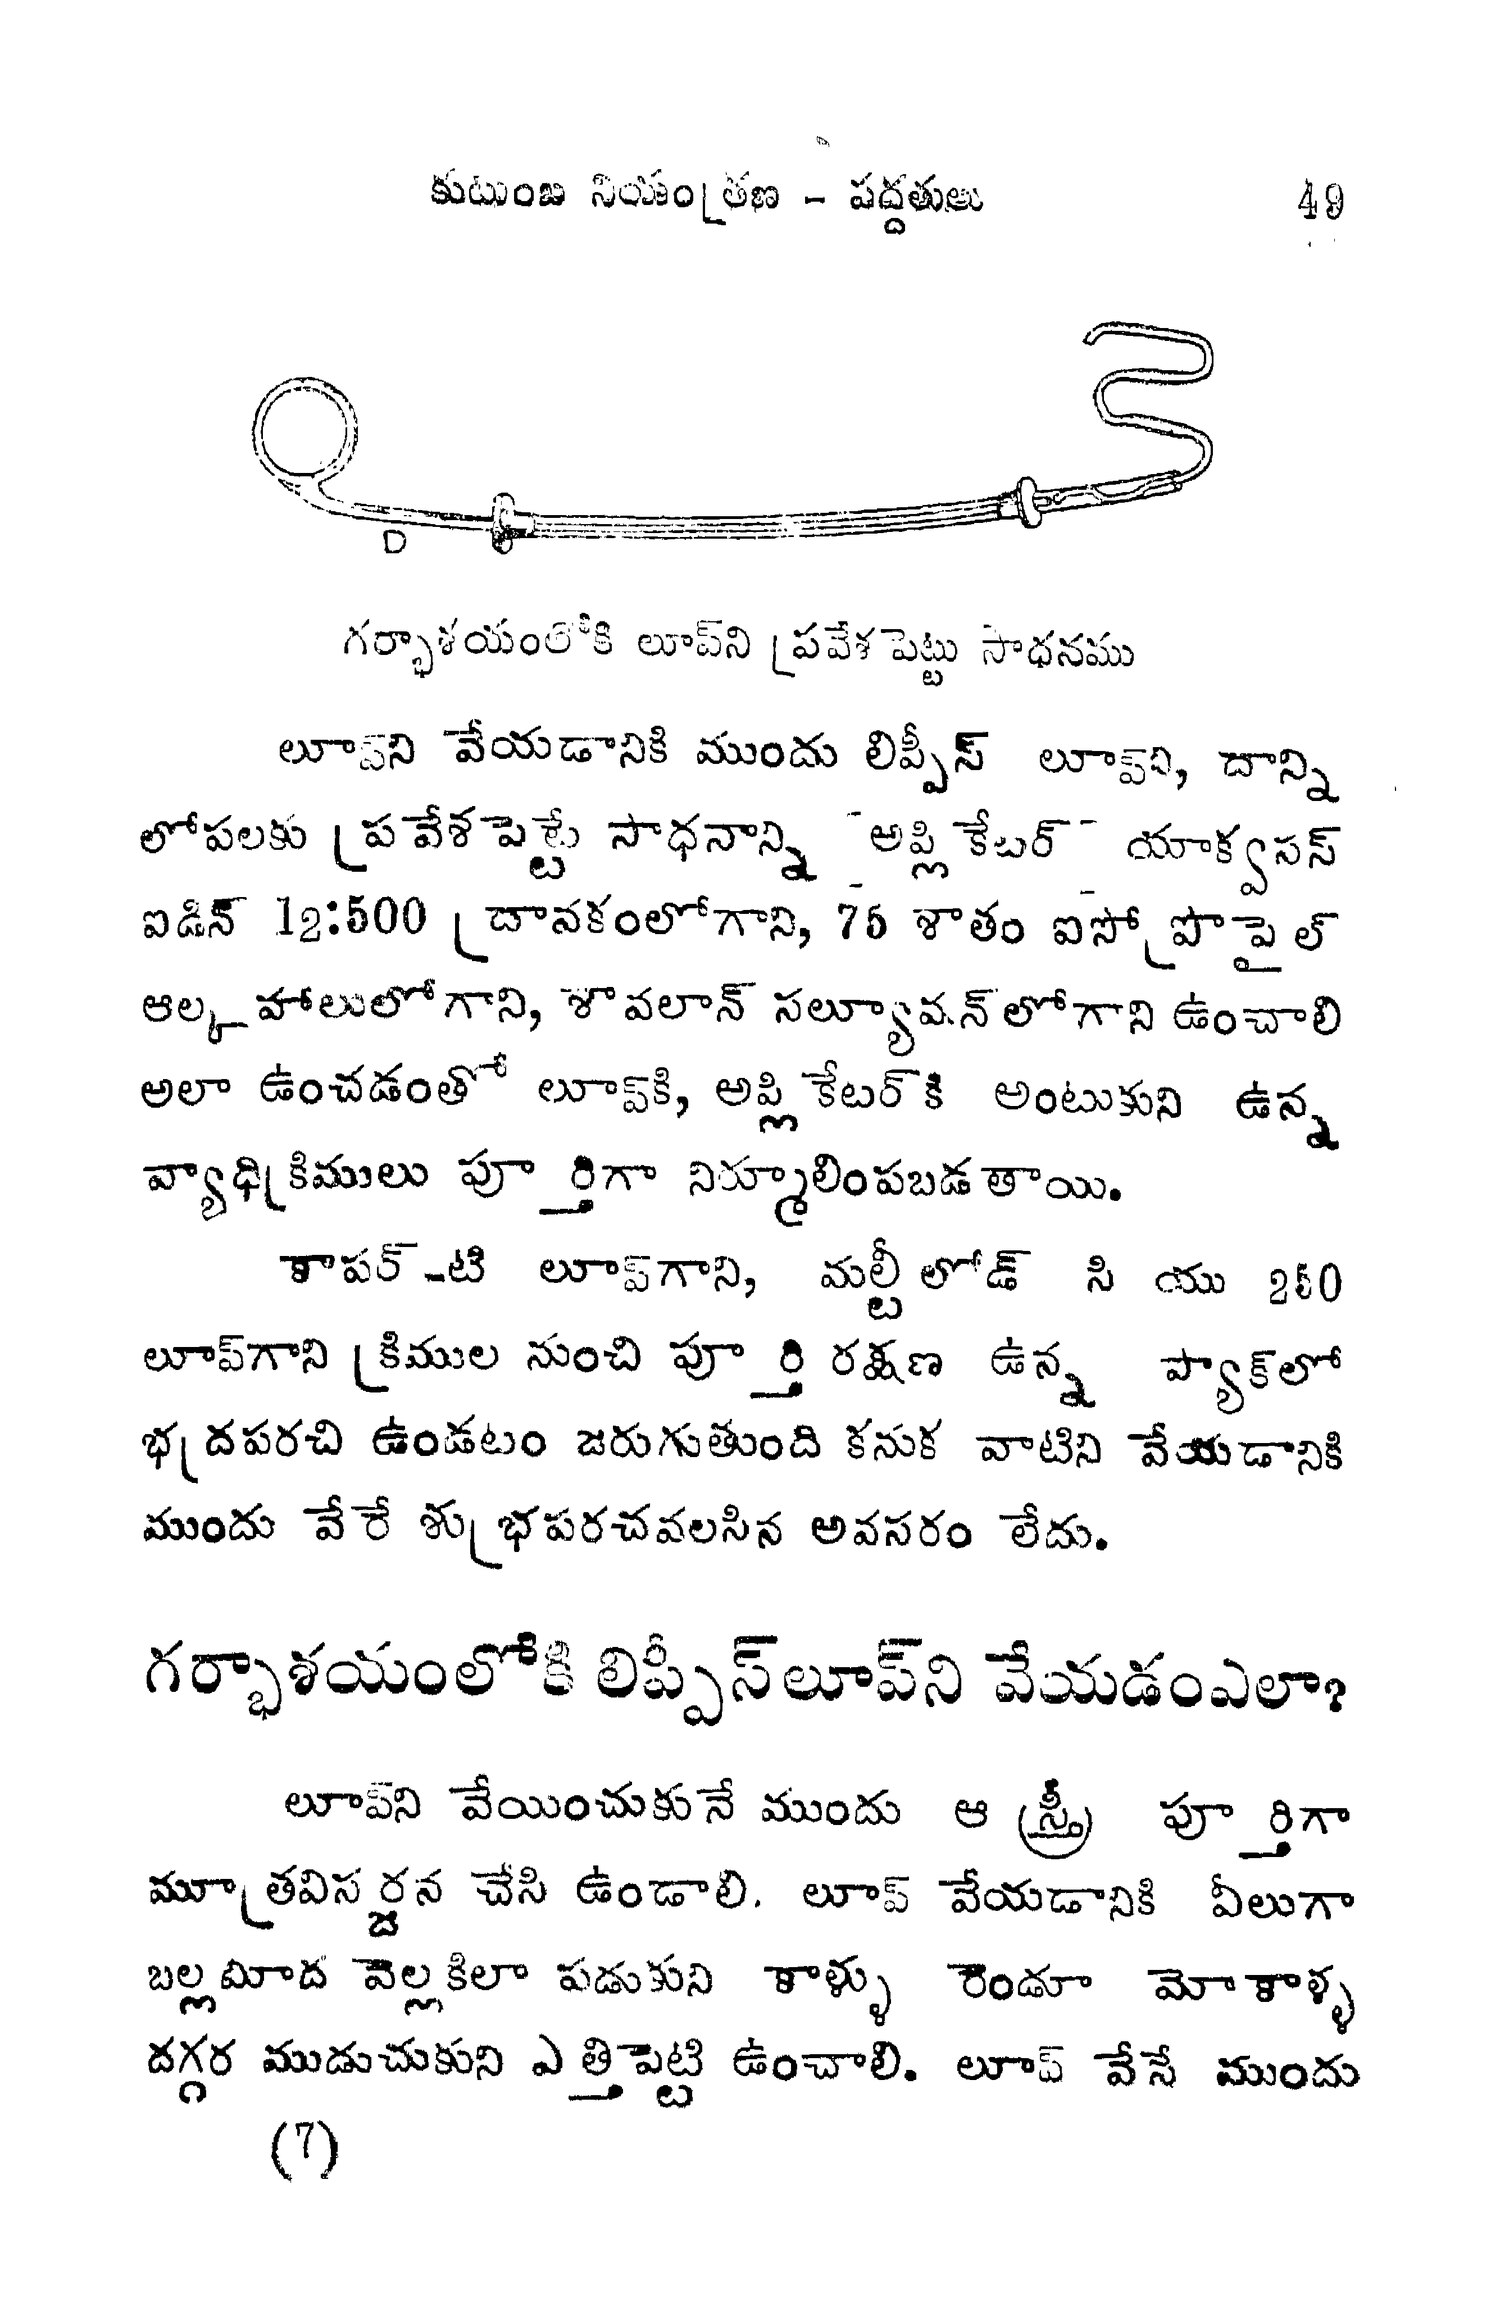లూప్‌ని వేయడానికి ముందు లిప్పీస్ లూప్‌ని, దాన్ని లొపలకు ప్రవేశపెట్టే సాధనాన్ని 'అప్లికేటర్ ' యాక్వసస్ ఐడిన్ 12:500 ద్రావకంలోగాని, 75 శాతం ఐసోప్రొపైల్ ఆల్కహాలులొగాని, శావలాన్ సల్యూషన్‌లోగాని ఉంచాలి అలా ఉంచడంతో లూప్‌కి, అప్లికేటర్‌కి అంటుకుని ఉన్న వ్యాధిక్రిములు పూర్తిగా నిర్మూలింపబడతాయి.

కాపర్-టి లూప్‌గాని, మల్టీలోడ్ సి యు 250 లూప్‌గాని క్రిముల నుంచి పూర్తి రక్షణ ఉన్న ప్యాక్‌లో భద్రపరచి ఉండటం జరుగుతుంది కనుక వాటిని వేయడానికి ముందు వేరే శుభ్రపరచవలసిన అవసరం లేదు.

లూప్‌ని వేయించుకునే ముందు ఆ స్త్రీ పూర్తిగా మూత్రవిసర్జన చేసి ఉండాలి లూప్ వేయడానికి వీలుగా బల్లమీద వెల్లకిలా పడుకుని కాళ్ళు రెండూ మోకాళ్ళ దగ్గర ముడుచుకుని ఎత్తిపెట్టి ఉంచాలి. లూప్ వేసే ముందు